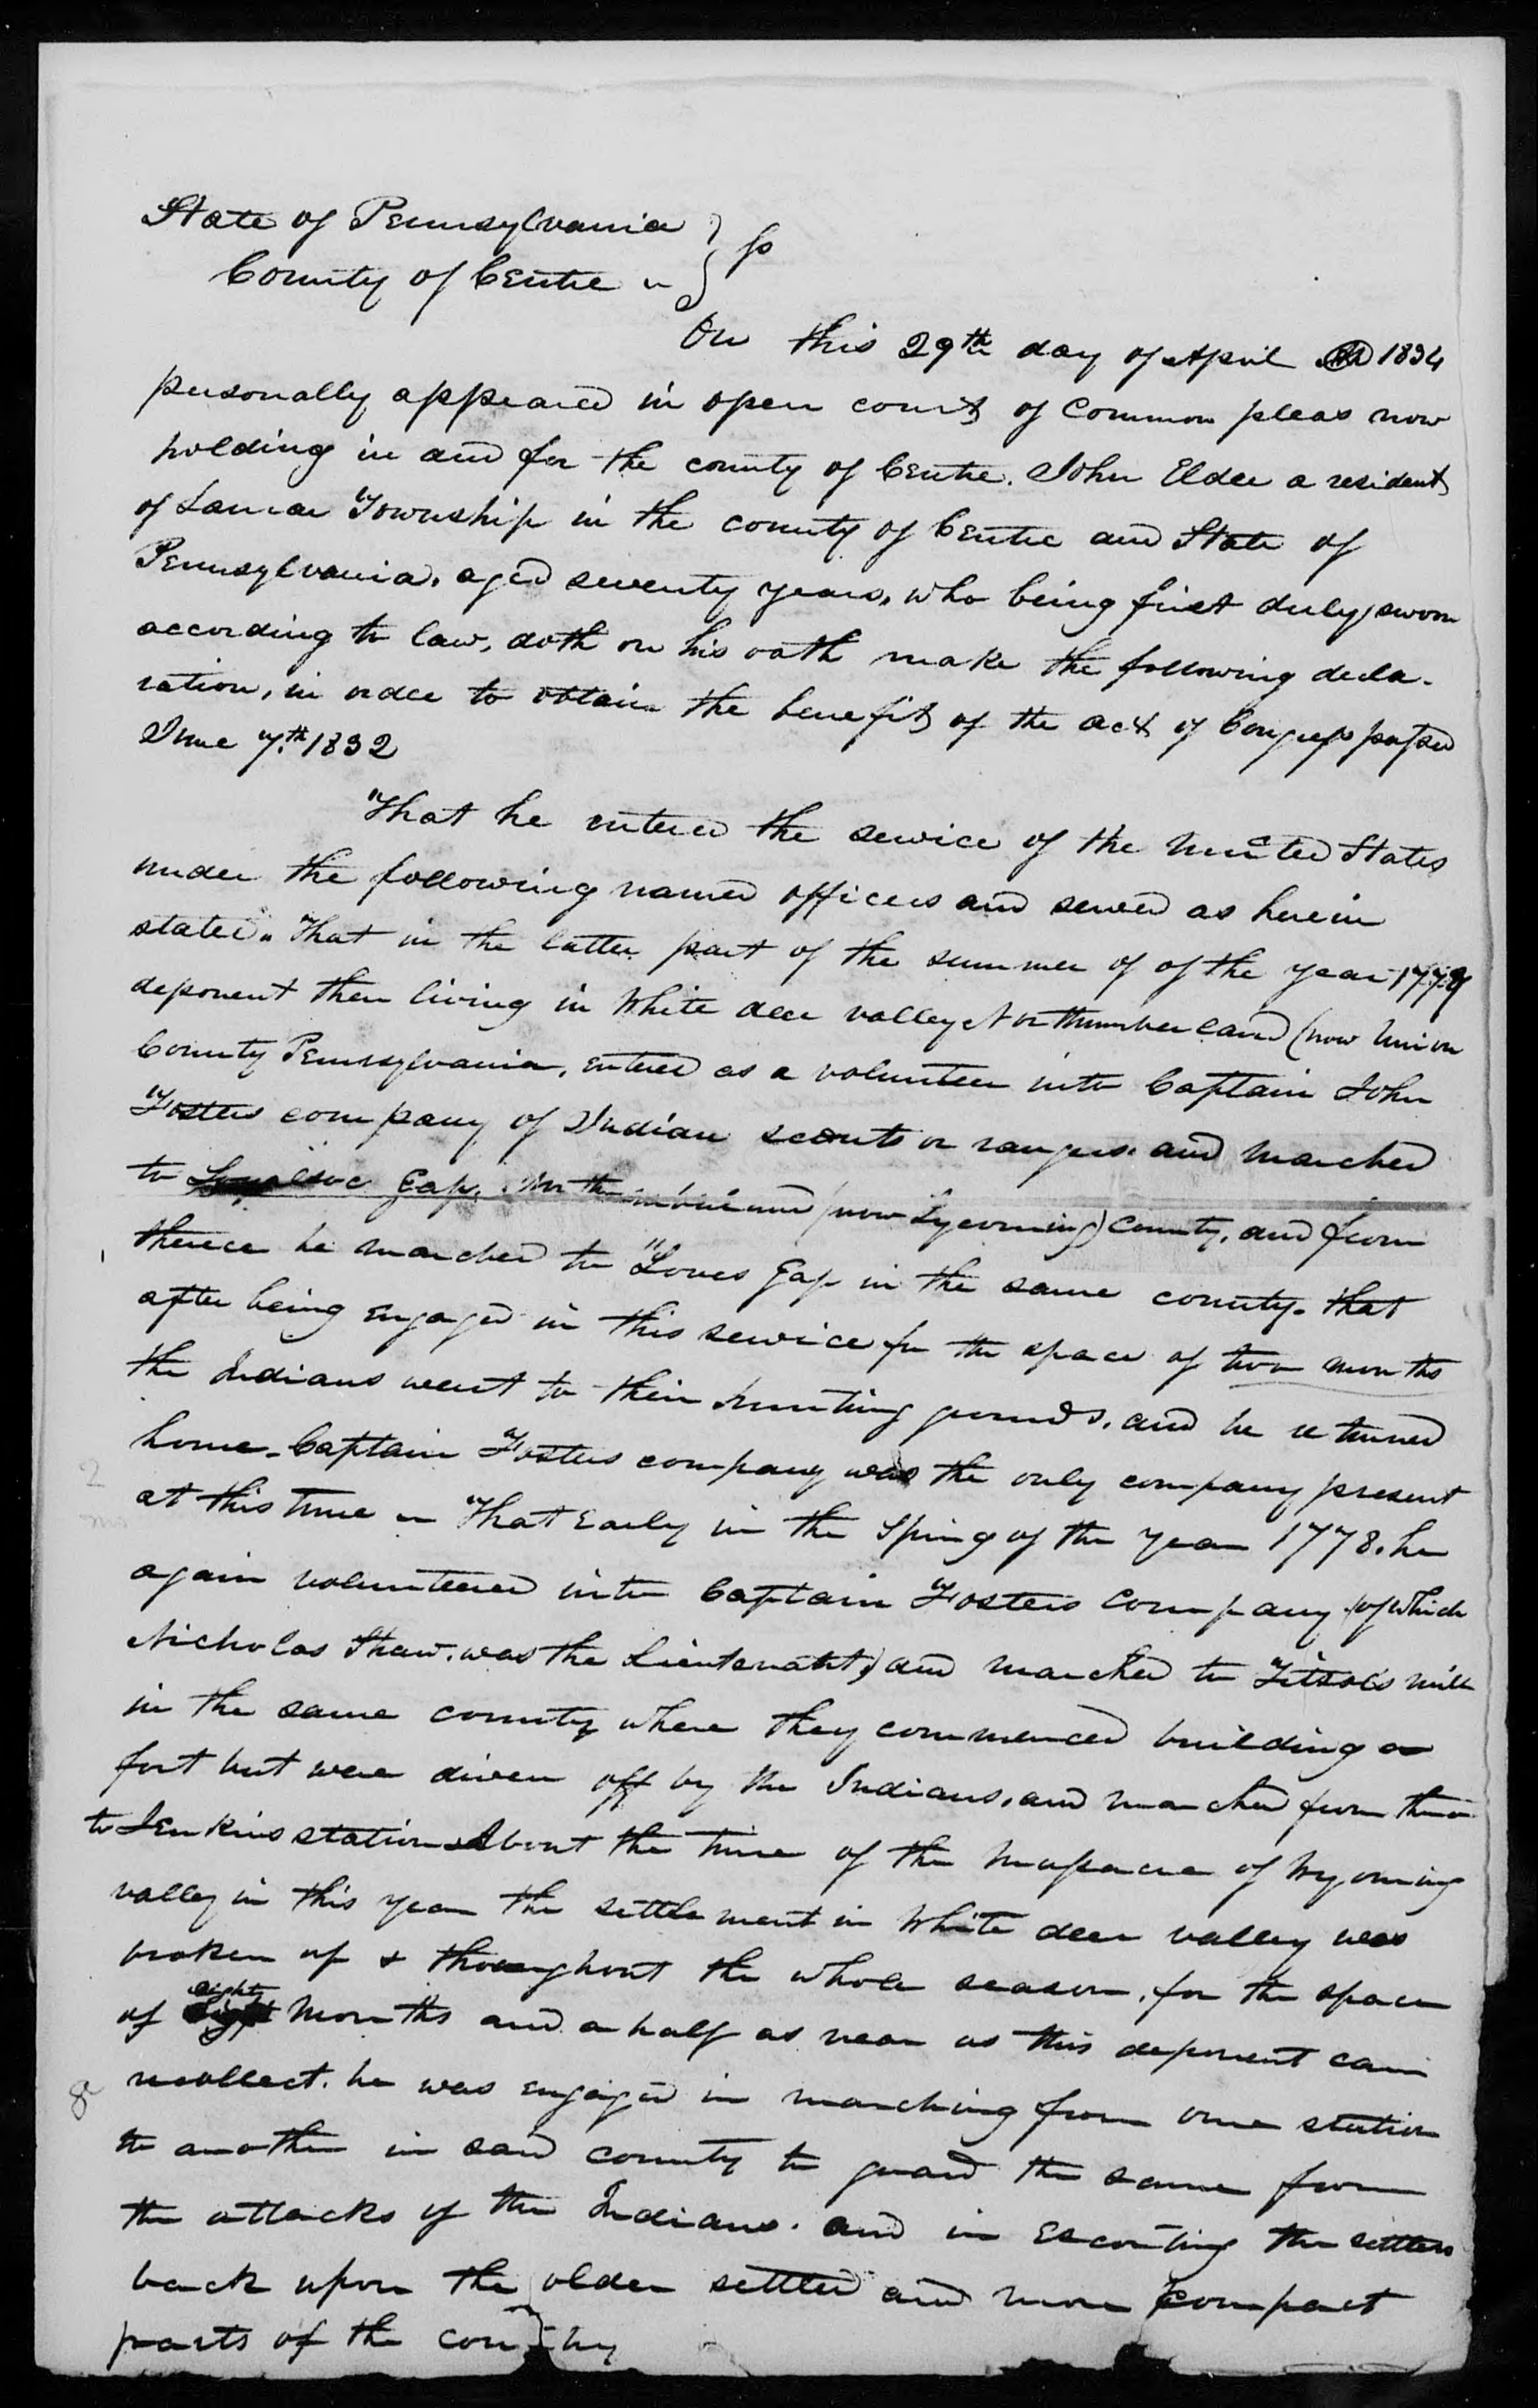State of Pennsylvania }
County of Centre }

On this 29th day of April 1824 personally appeared in open court of Common place now holding in [illegible] for the county of Centre.  John Elder a resident of Lamar Township in the County of Centre and State of Pennsylvania, age seventy years, who being first duly sworn according to law, [illegible] on his oath make the following  [illegible], in order to obtain the benefits of the act of Congress  [illegible] June 7th 1832

That he entered the service of the United States under the following [illegible] offices and serves as here in states that in the latter part of the summer of of the year 1779 department then living in White Deer Valley  [illegible] (now  [illegible] County Pennsylvania, entered as a volunteer with Captain John Fosters company of Indian scouts or [illegible] and from Lycoming County, and from thence he  [illegible] to “lives [illegible] in the same county that the Indians went to their hunting grounds , and he  [illegible] Captain Fosters company was the only company present at this time “that early in the Spring of the year 1778. He again volunteers with Captain Fosters company of which Nicholas Shaw was the Lieutenant and marched to [illegible] with in the same county where they commanded building a fort but were driven off by the Indians and [illegible] to stationed about the time of the [illegible] of my [illegible] valley in this year this settlement in White Deer Valley was broken of and thorough about the whole season for the [illegible] of eight months and a half at near as this déferrement can recollect he was engaged in marching from one station to another in [illegible]County to grant the same from the attacks of the Indians and in escalating the settlers back when the older settlers and [illegible] compact parts of the Country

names: John Elder, Nicholas Shaw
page: 4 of 80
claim: widow's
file: W. 24117, John Elder, Penn.